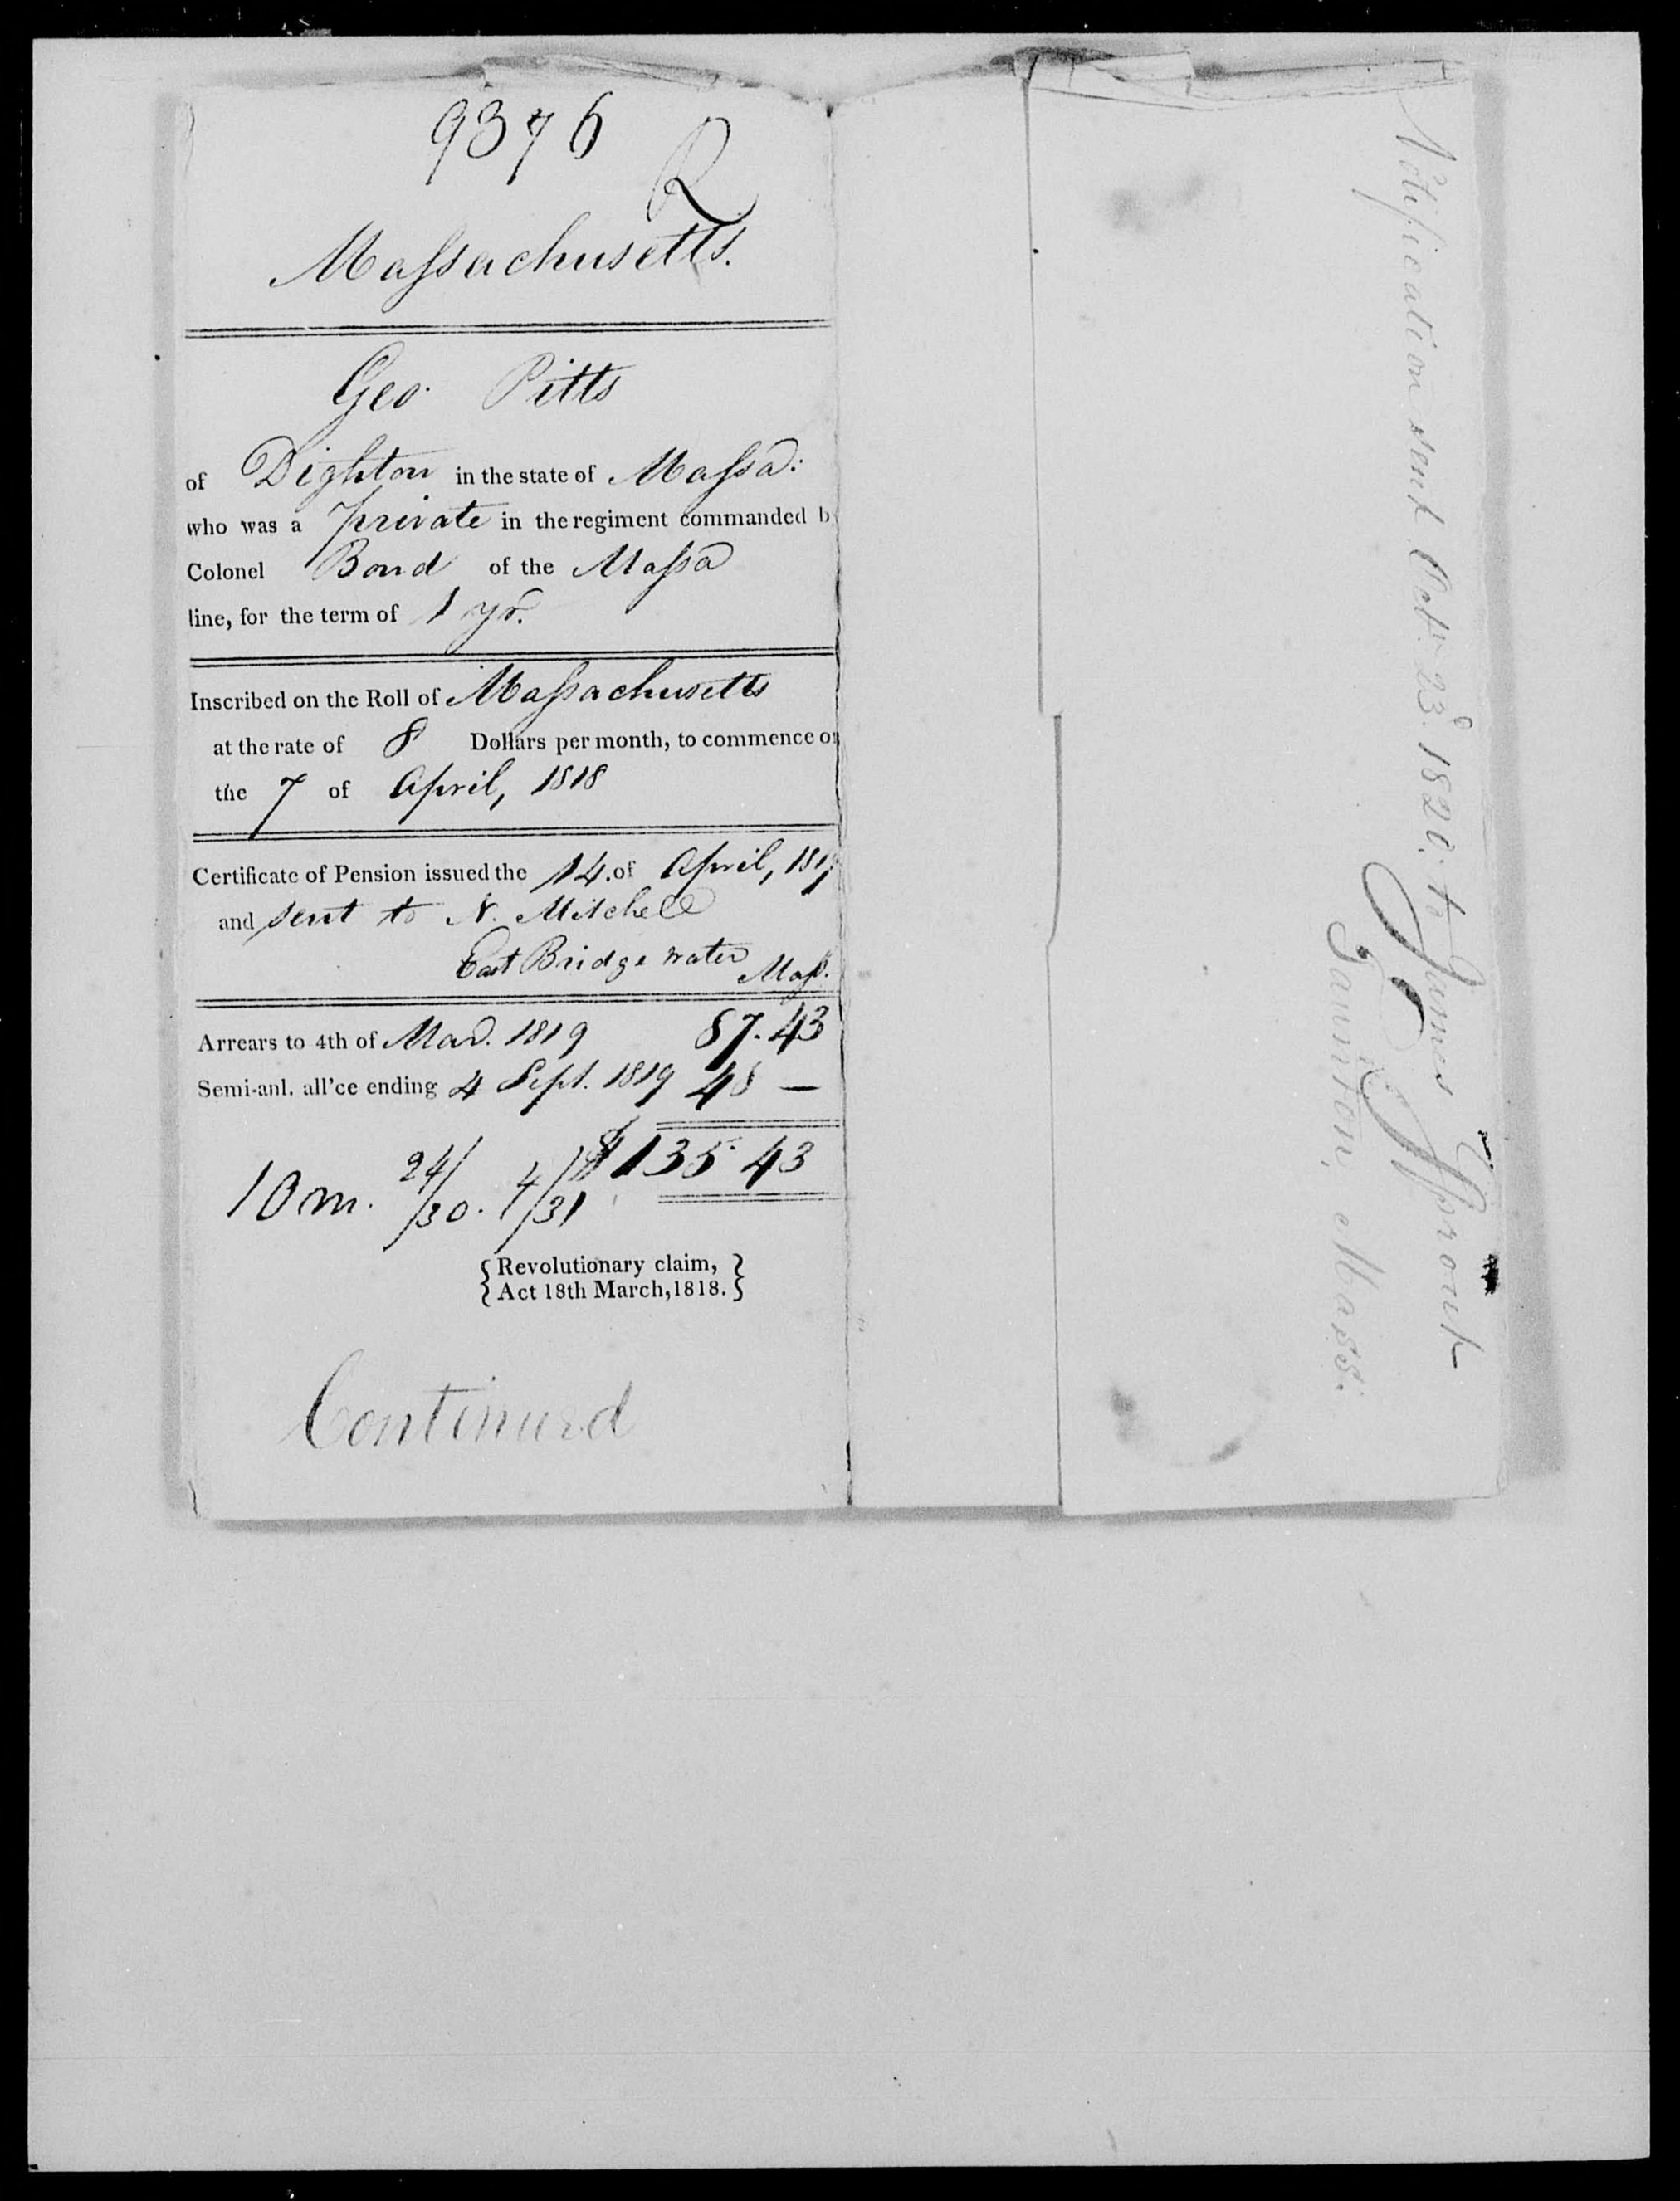9376
Massachusetts
Geo. Pitts
of Dighton in the State of Mass
who was a private in the regiment commanded by Colonel Bond of the Mass
line, for the term of 1 yr.
Inscribed on the Roll of Massachusetts
at the rate of 8 Dollars per month, to commence on
the 7 of April, 1818
Certificate of Pension issued the 14 of April, 1817 and sent to N. Mitchell
East Bridgewater, Mass
Arrears to 4th of Mar 1819
87.43
Semi-anl. all'ce ending 4 Sept 1819 48.00 = $135.43
10 mo. 24/30   4/31 
Revolutionary claim,
Act 18th March, 1818.}
Continued
[written sideways] Certification sent Oct. 23, 1820 to James Sproat
Taunton, Mass.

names: James Sproat; N Mitchell; [BLANK] Bond; Geo Pitts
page: 2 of 54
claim: widow's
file: W. 26,897, for George Pitts, Massachusetts